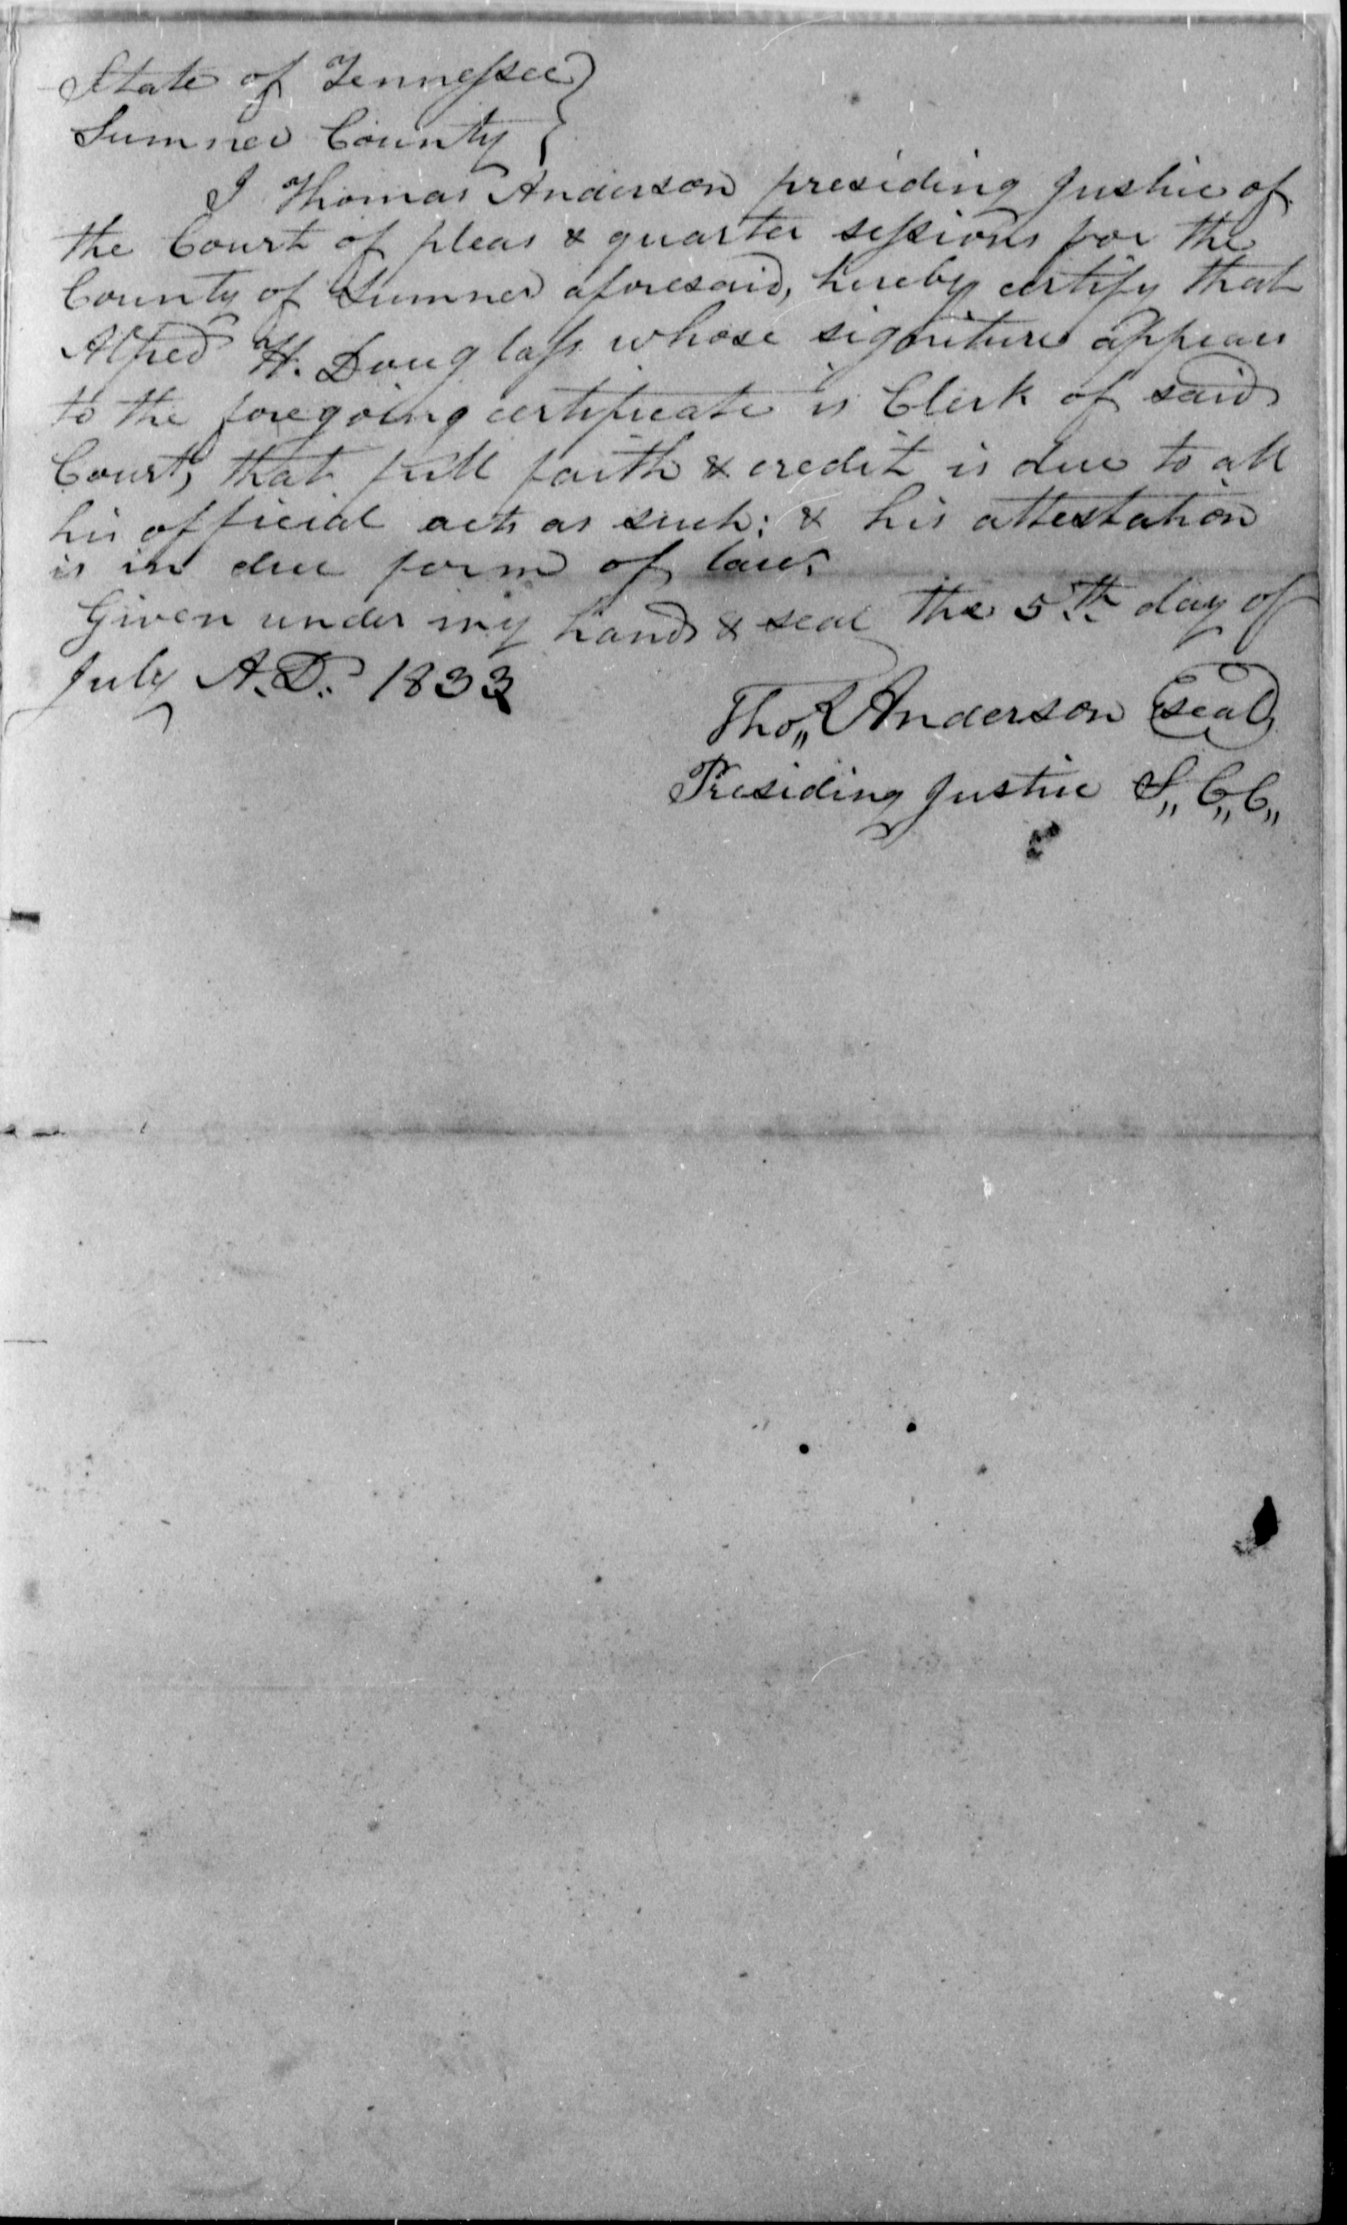State of Tennessee
Sumner County
I Thomas Anderson presiding Justice of
the Court of pleas & quarter sessions for the
County of Sumner aforesaid, hereby certify that
Alfred H. Douglass whose signature appears

to the foregoing certificate is Clerk of said
Court, that full faith & credit is due to all
his official acts as such & his attestation
is in due form of law.
Given under my hand and seal this 5th day of
July A.D. 1833
Thomas Anderson ℗
Presiding Justice S. C. C.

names: Alfred H Douglass, Thomas Anderson, Thos Anderson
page: 20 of 35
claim: survivor's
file: S. 32089, John Abbott, Continental N. C.